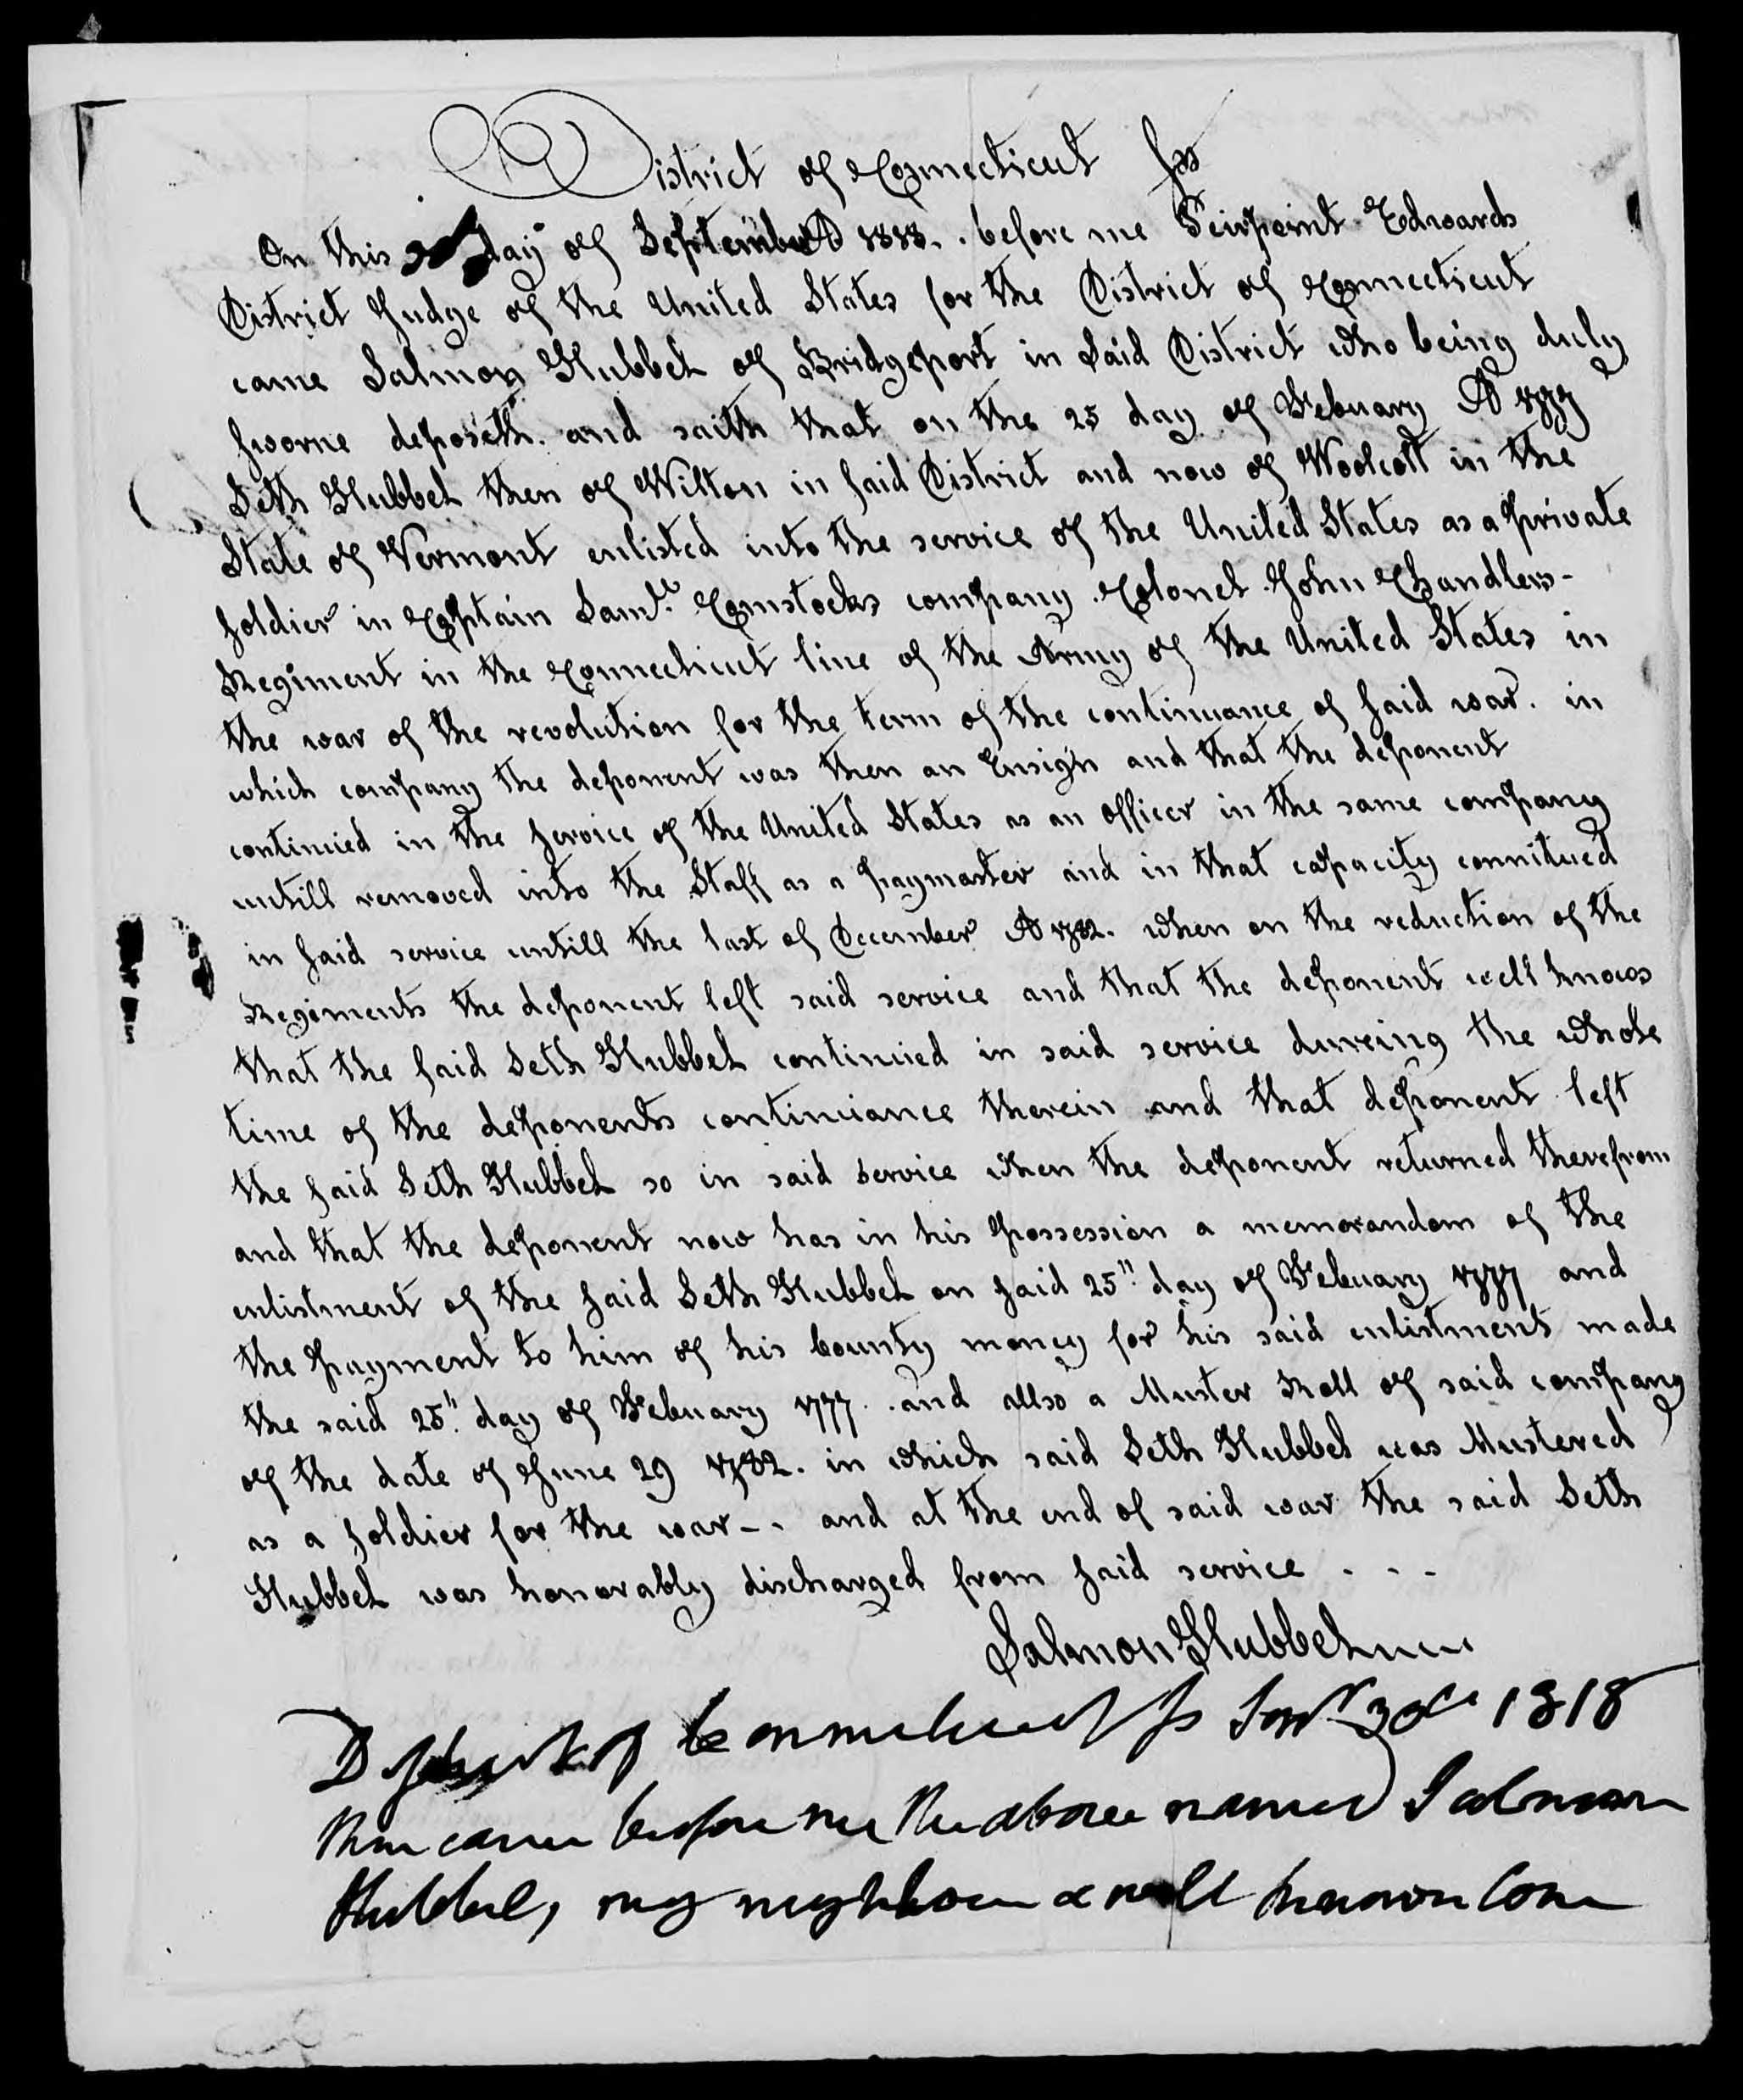District of Connecticut SS
On this [ink blot] day of September 1888, before me Pierpoint Edwards District Judge of the United States for the District of Connecticut came Salmon Hubbel [sic] of Bridgeport in said District who being duly sworne [sic] deposeth and saith that on the 25 day of February AD [illegible] Seth Hubbel then of Wilton in said District and now of Woolcott in the State of Vermont enlisted into the service of the United States as a private soldier in Captain Saml. Comstocks company. Colonel John Chandlers Regiment in the Connecticut line of the Army of the United States in the war of the revolution for the term of the continuance of said war in which company the deponent was then an Ensign and that the deponent continued in the service of the United States as an officer in the same company untill [sic] removed into the Staff as a paymaster and in that capacity continued in said service untill the last of December AD 1782. When on the reduction of the Regiments the deponent left said service and that the deponent well knows that the said Seth Hubbel continued in said service during the whole time of the deponents continuance therein and that deponent left the said Seth Hubbel so in said service when the deponent returned there from and that the deponent now has in his possession a memorandom of the enlistment of the said Seth Hubbel on said 25 day of February 1887 and the payment to him of his County many for his said enlistment made the said 25 day of February 1777 and allso [sic] a Mister Rell of said company of the date of June 29 1782. in which said Seth Hubbel was Mustered as a soldier for the war _ and at the end of said war the said Seth Hubbel was honorably discharged from said service . . . 
Salmon Hubbel
District of Connecticut [illegible] 30 1818 then came before me [illegible] named Salmon Hubbel, my neighbor & well known to me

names: Salmon Hubbel, Pierpoint Edwards, Seth Hubbel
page: 94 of 114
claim: widow's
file: W. 2115, Seth Hubbell, Conn.